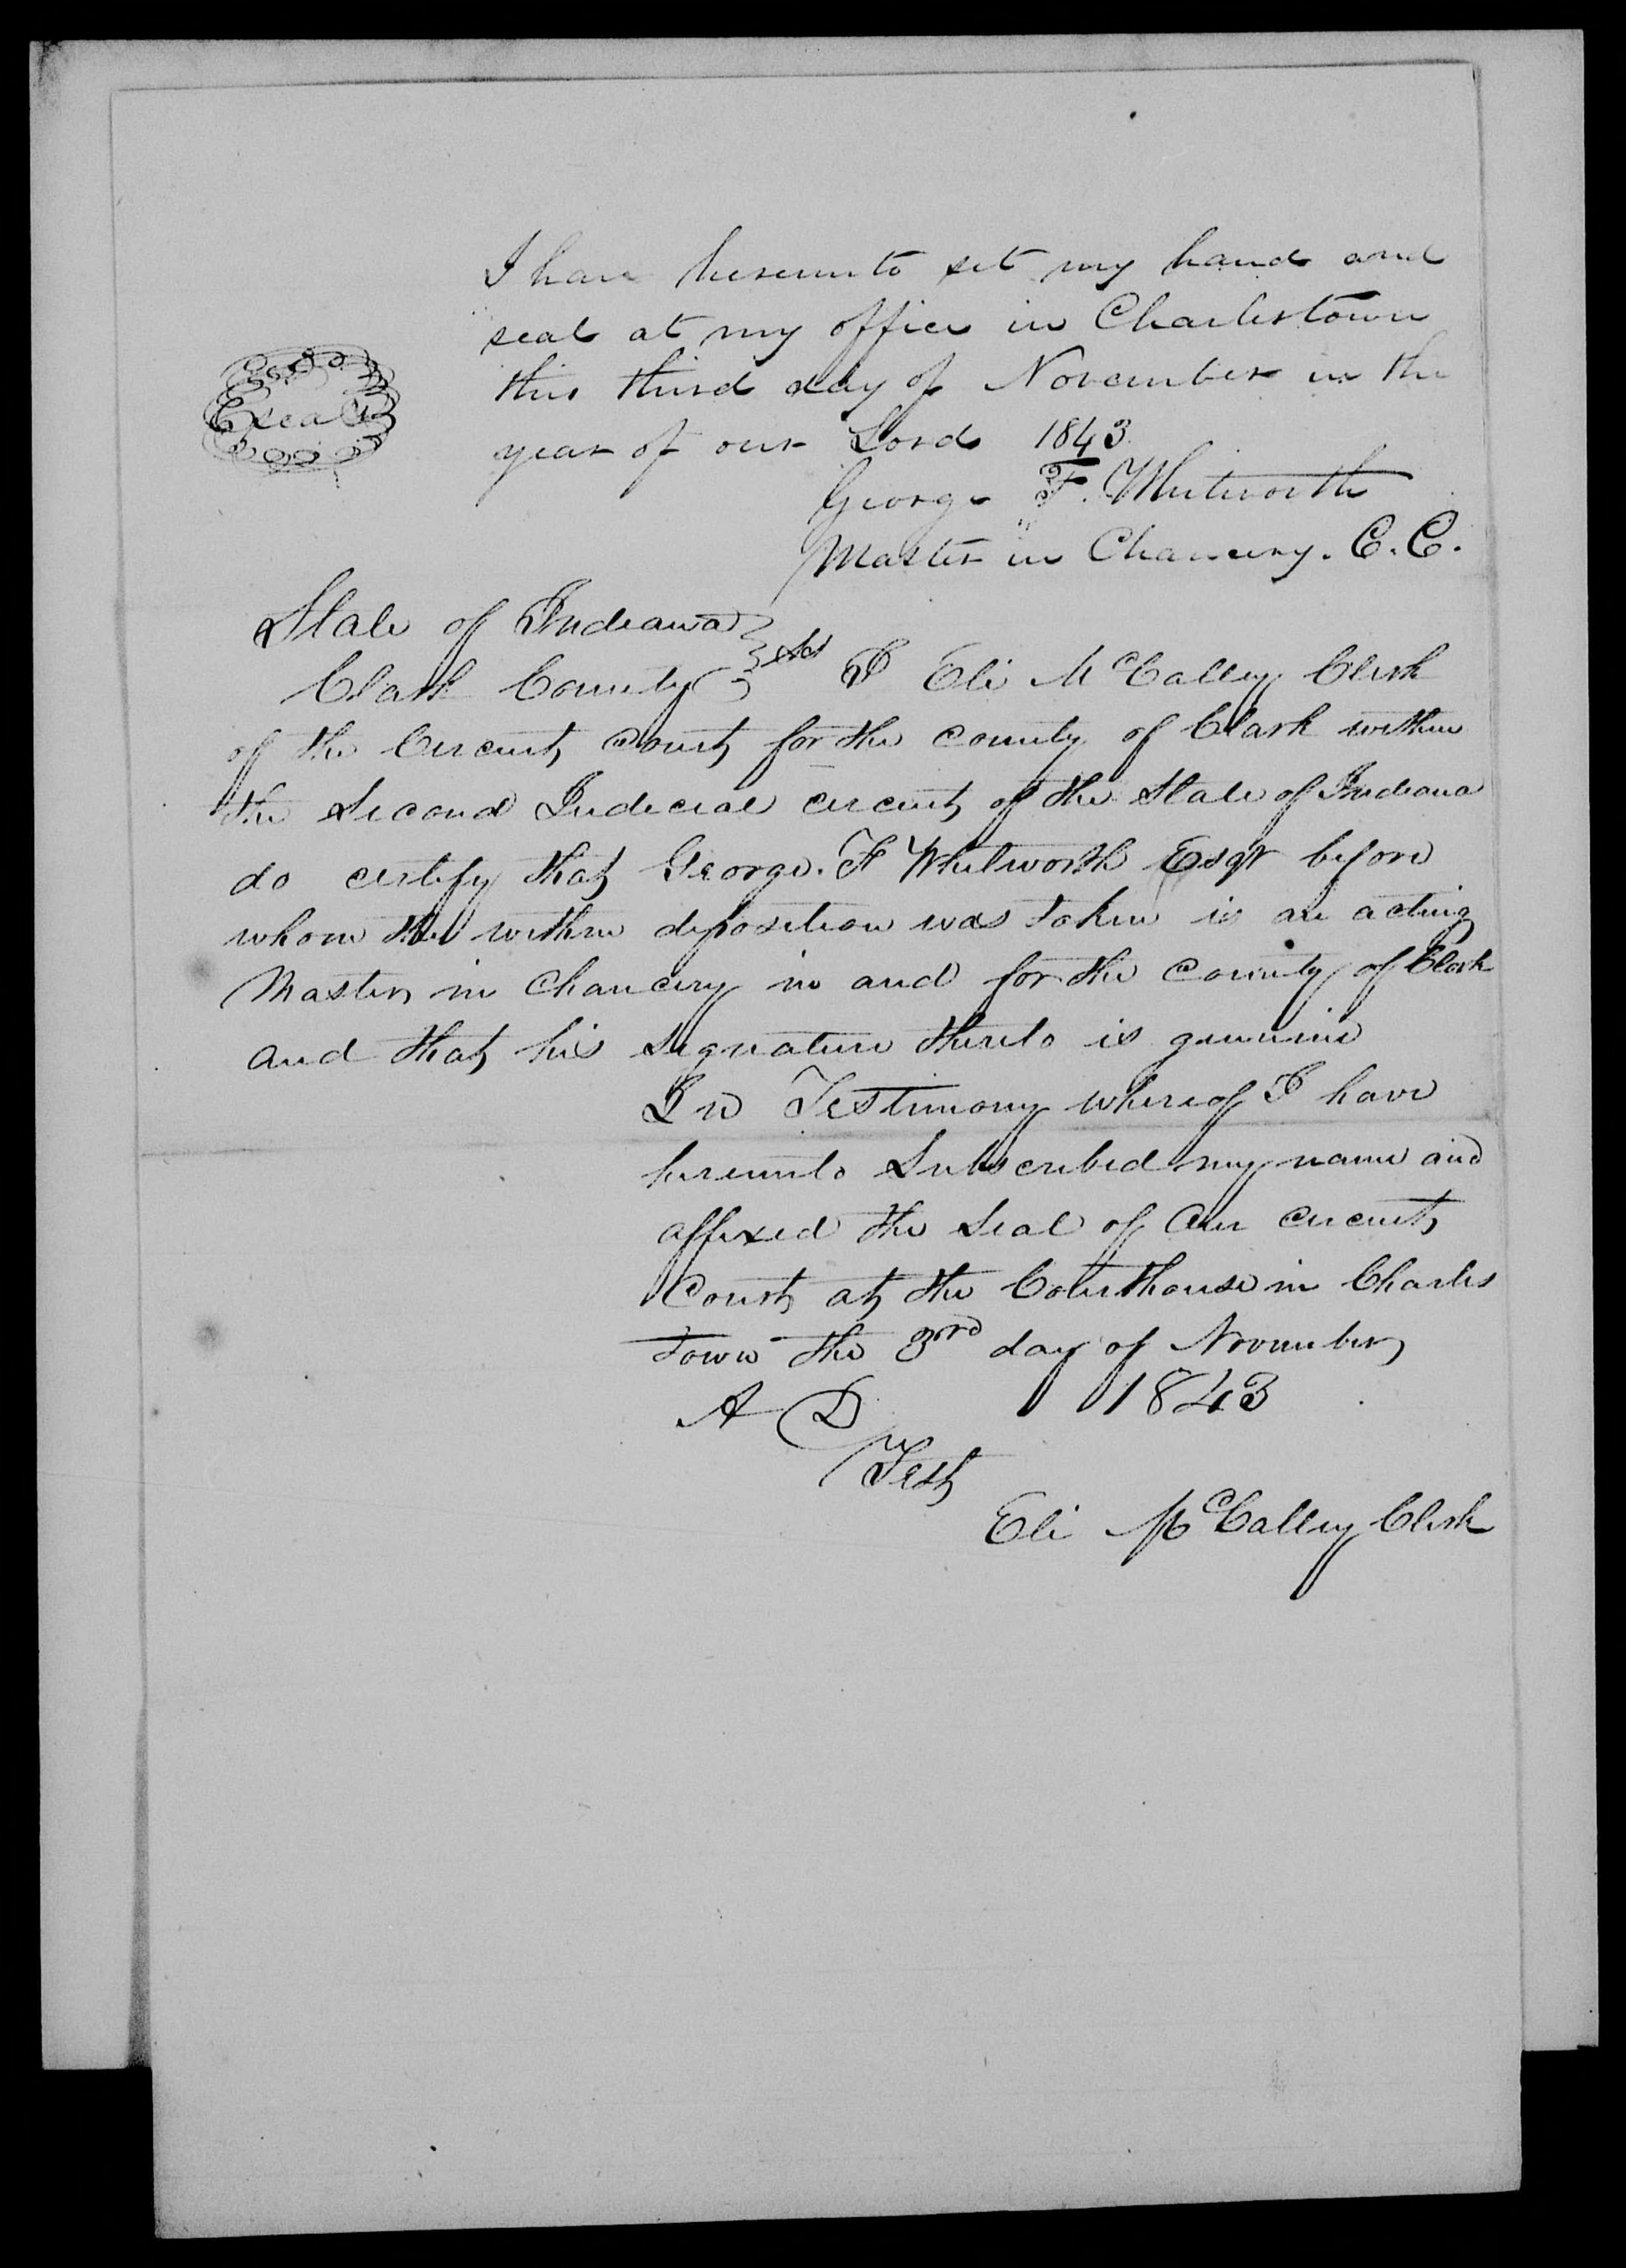I have hereunto set my hand and seal at my office in Charlestown this third day of November in the year of our Lord 1843 of
[signed] George F Whitworth
Master in Chancery. C.C. 

[handwritten seal top left]

State of India Clark County E} ss
I E li McCalley Clerk of the Circuit Court for the County of Clark within the Second Judicial Circuit of the State of Indiana do certify that George F Whitworth Esqr before whom the within deposition was taken is an acting Master in Chancery in and for the County of Clark and that his signature thereto is genuine 
In Testimony whereof I have hereunto subscribed my name and affixed the Seal of the Circuit Court at the Courthouse in Charlestown the 3rd day of November, AD 1843
[signed] Eli McCalley Clerk

[illegible Court Seal affixed at left]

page: 33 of 78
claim: widow's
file: W. 25,169, for Daniel Sullivan, Maryland